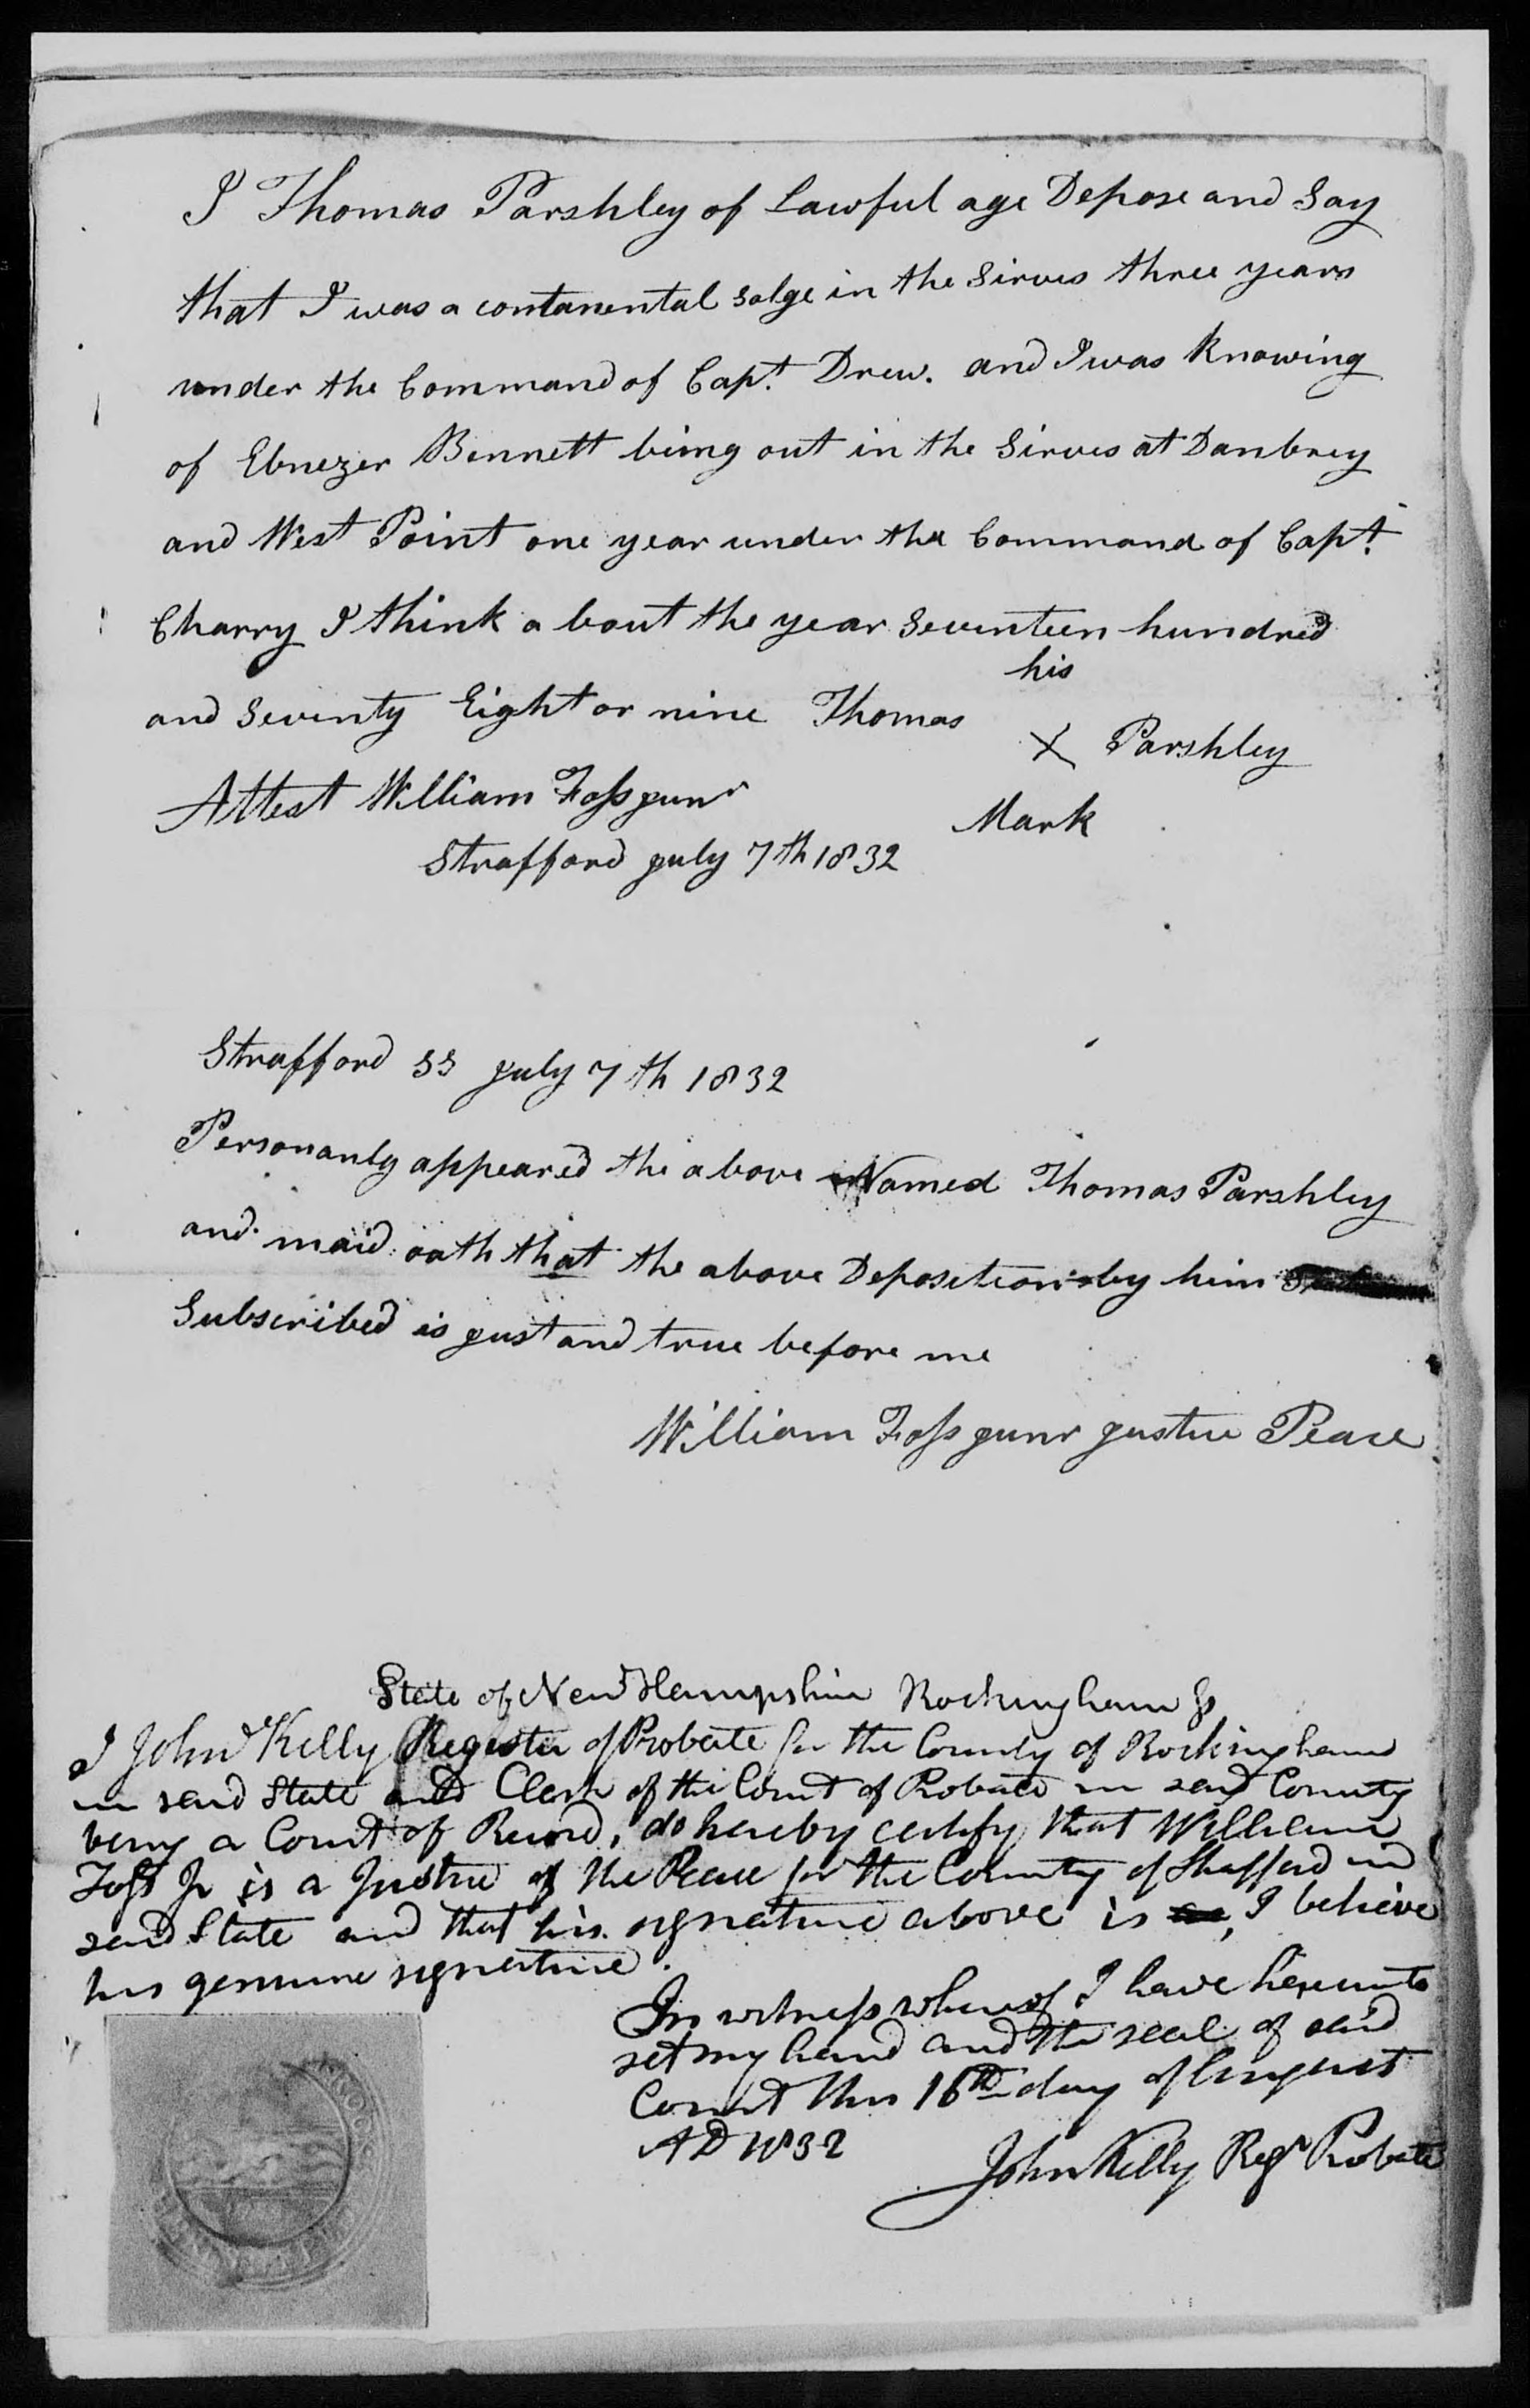I Thomas Parshley of Lawful age depose and say
that I was a continental solge in the sirves three years under the command of Capt Drew. and I was knowing of Ebenezer Bennett being out in the sirves at Danbury and West Point one year under the command of Capt Charry I think about the year Seventeen hundred and Seventy Eight or nine Thomas Parshley
his
X
mark
Attest William Foss junr
Strafford July 7th 1832

Strafford ss July 7th 1832
Personally appeared the above Named Thomas Parshley and maid oath that the above Deposition by him Subscribed is just and true before me
William Foss junr Justice Peace

State of New Hampshire Rockingham ss
I John Kelly Register of Probate for the County of Rockingham in said State and Clerk of the Court of Probate in said County being a Court of Record, do hereby certify that William Less Jr is a Justice of the Peace for the County of Shafford
State and that his signature above is, I believe
his genuine signature.
In witness whereof I have hereunto set my hand and the seal of said Cont this 16th day of August
AD 1832
John Kelly Regr Probate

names: Thomas Parshley, Thomas Parshley, Drew, Thomas Parshley, William Foss, John Kelly, Charry, Ebnezer Bennett, John Kelly, William Foss, William Foss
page: 40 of 43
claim: widow's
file: W. 21665, Ebenezer Bennett, N. H. Privateer.